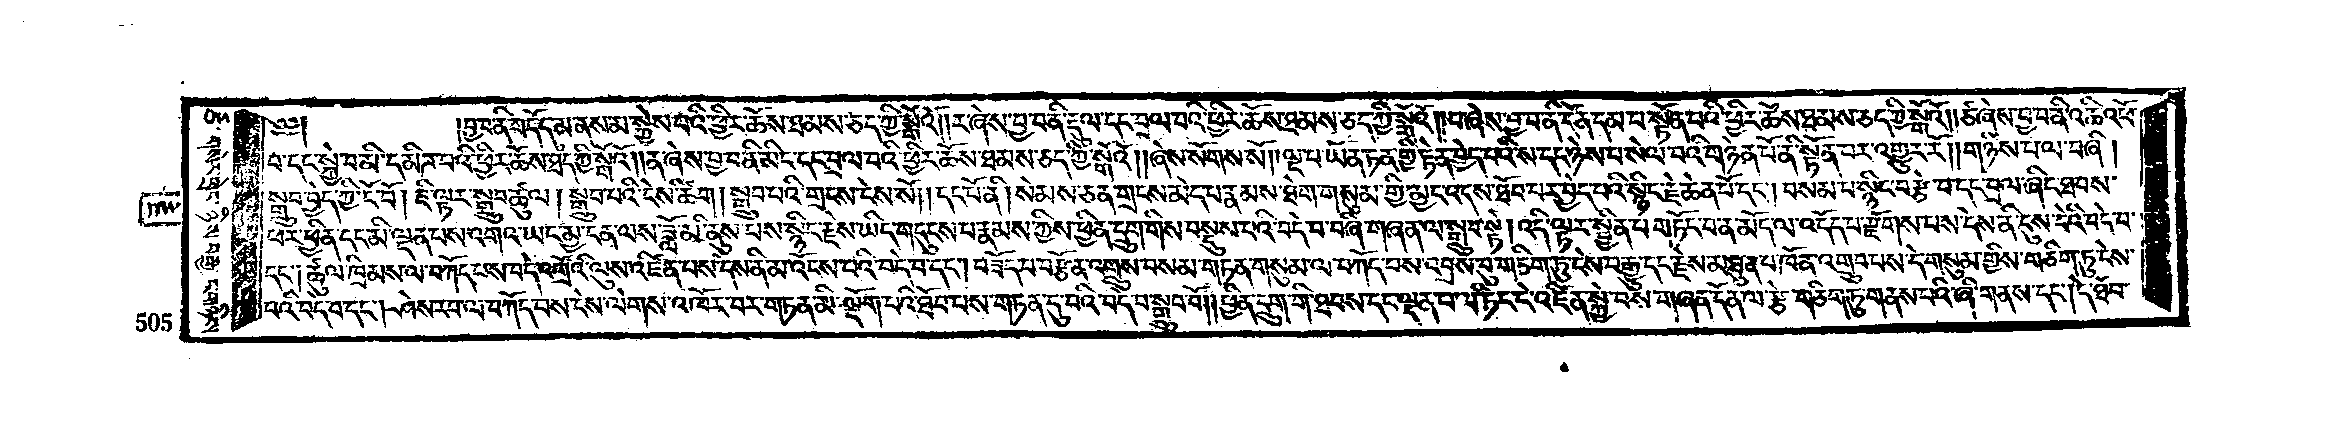༄༅། །བྱ་བ་ནི་གདོད་མ་ནས་མ་སྐྱེས་པའི་ཕྱིར་ཆོས་ཐམས་ཅད་ཀྱི་སྒོའོ། །ར་ཞེས་བྱ་བ་ནི་རྡུལ་དང་བྲལ་བའི་ཕྱིར་ཆོས་ཐམས་ཅད་ཀྱི་སྒོའོ། །བ་ཞེས་བྱ་བ་ནི་དོན་དམ་པ་སྟོན་པའི་ཕྱིར་ཆོས་ཐམས་ཅད་ཀྱི་སྒོའོ། །ཙ་ཞེས་བྱ་བ་ནི་འཆི་འཕོ་
བ་དང་སྐྱེ་བ་མི་དམིགས་པའི་ཕྱིར་ཆོས་ཐམས་ཅད་ཀྱི་སྒོའོ། །ན་ཞེས་བྱ་བ་ནི་མིང་དང་བྲལ་བའི་ཕྱིར་ཆོས་ཐམས་ཅད་ཀྱི་སྒོའོ། །ཞེས་སོགས་སོ། །ལྔ་པ་ཡོན་ཏན་གྱི་རྟེན་བྱེད་པའི་ས་དང་ཉེས་པ་སེལ་བའི་གཉེན་པོ་ནི་སྟོན་པར་འགྱུར་རོ། །གཉིས་པ་ལ་བཞི།
སྒྲུབ་བྱེད་ཀྱི་ངོ་བོ། ཇི་ལྟར་སྒྲུབ་ཚུལ། སྒྲུབ་པའི་ངེས་ཚིག །སྒྲུབ་པའི་གྲངས་ངེས་སོ། །དང་པོ་ནི། སེམས་ཅན་གྲངས་མེད་པ་རྣམས་ཐེག་གསུམ་གྱི་མྱང་འདས་ཐོབ་པར་བྱེད་པའི་སྙིང་རྗེ་ཆེན་པོ་དང་། བསམ་པ་སྙིང་བརྩེ་བ་དང་བྲལ་ཞིང་ཐབས་
ཕར་ཕྱིན་དང་མི་ལྡན་པས་འགའ་ཡང་མྱ་ངན་ལས་ཟློ་མི་ནུས་པས་སྙིང་རྗེས་ཡིད་གདུངས་པ་རྣམས་ཀྱིས་ཕྱིན་དྲུག་གིས་བསྡུས་པའི་བདེ་བ་བཞི་གཞན་ལ་སྒྲུབ་སྟེ། འདི་ལྟར་སྦྱིན་པ་གཏོང་བ་ན་མོད་ལ་འདོད་པ་རྫོགས་པས་དེས་ནི་དུས་དེའི་བདེ་བ་
དང༑ ཚུལ་ཁྲིམས་ལ་བཀོད་པས་བདེ་འགྲོའི་ལུས་འཛིན་པས་དེས་ནི་མ་འོངས་པའི་བདེ་བ་དང་། བཟོད་པ་བརྩོན་འགྲུས་བསམ་གཏན་གསུམ་ལ་བཀོད་པས་འབྲས་བུ་གཅིག་ཏུ་ངེས་པ་རྒྱུ་དང་རྗེས་མཐུན་པ་ཁོ་ན་འགྲུབ་པས་དེ་གསུམ་གྱིས་གཅིག་ཏུ་ངེས་
པའི་བདེ་བ་དང་། ཤེས་རབ་ལ་བཀོད་པས་ངེས་ལེགས་འཁོར་བར་གཏན་མི་ལྡོག་པའི་ཐོབ་པས་གཏན་དུ་བའི་བདེ་བ་སྒྲུབ་བོ། །ཕྱིན་དྲུག་གི་ཐབས་དང་ལྡན་པ་ལ་ཏིང་ངེ་འཛིན་སྐྱེ་བས་གཞན་དོན་ལ་རྩེ་གཅིག་ཏུ་གནས་པའི་ཞི་གནས་དང་། དེ་ཐོབ་